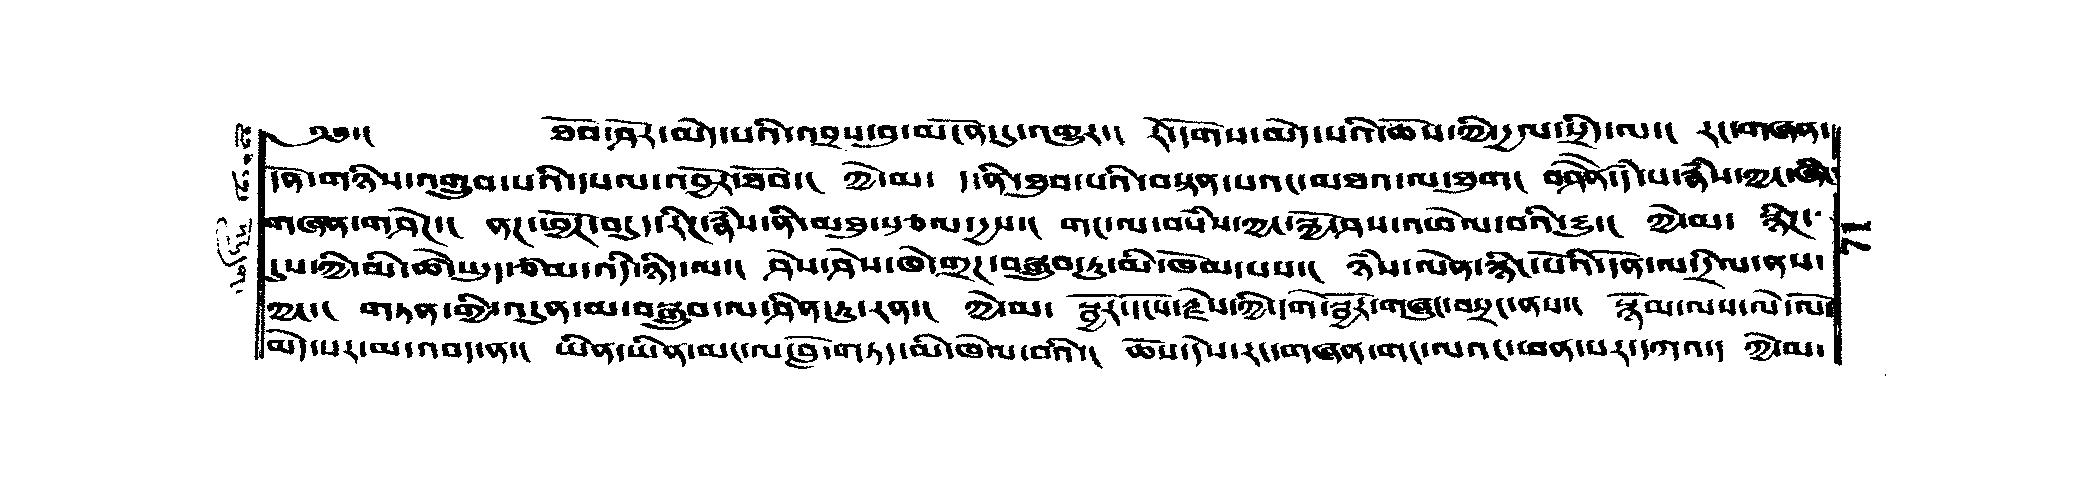ཐོབ་ཤོར་མེད་པའི་འབྲས་བུ་མངོན་དུ་འགྱུར། །རེ་དོགས་མེད་པའི་ཆོས་ཀྱི་རྒྱལ་སྲིད་ལ། །རང་གཞན་
དོན་གཉིས་འགྲུབ་པའི་དཔལ་འབྱོར་ཐོབ། ཀྱེ་མ། ད་ནི་ཐུབ་པའི་བསྟན་པའང་མཐའ་ལ་ཐུག །བཤེས་གཉེན་དམ་པ་རྣམས་ཀྱང་ཞིང་
གཞན་བཤེགས། །ནགས་ཕྱོགས་བདུད་རིགས་རྣམས་ནི་མཐུ་རྩལ་རྒྱས། །གང་ལ་བསམ་ཀྱང་སྐྱོ་ཤས་འཕེལ་བའི་རྒྱུ། ཀྱེ་མ། སྙིགས་
དུས་ཀྱི་མི་ཚེ་ཡུད་ཙམ་དེ་ཉིད་ལ། །ཤེས་ཤེས་ཁེ་གྲགས་བསྒྲུབ་ཏུ་མི་ཁོམ་པས། །ཉམས་ལེན་སྙིང་པོའི་དོན་ལ་དྲིལ་ནས་
ཀྱང་། །གཏན་གྱི་བདུན་མ་བསྒྲུབ་ལ་ཤིན་ཏུ་རན། ཀྱེ་མ། སྦྱོར་དངོས་རྗེས་ཀྱི་དགེ་སྦྱོར་གཞུང་བསྲང་ནས། །སྙོམ་ལས་ལེ་ལོ་
མེད་པར་མ་འབད་ན། །ཡིན་ཡིན་མང་ལ་བློ་གཏད་མི་ཁེལ་བའི། །ཆོས་དེས་རང་གཞན་གང་ལའང་ཕན་པར་དཀའ། ཀྱེ་མ།